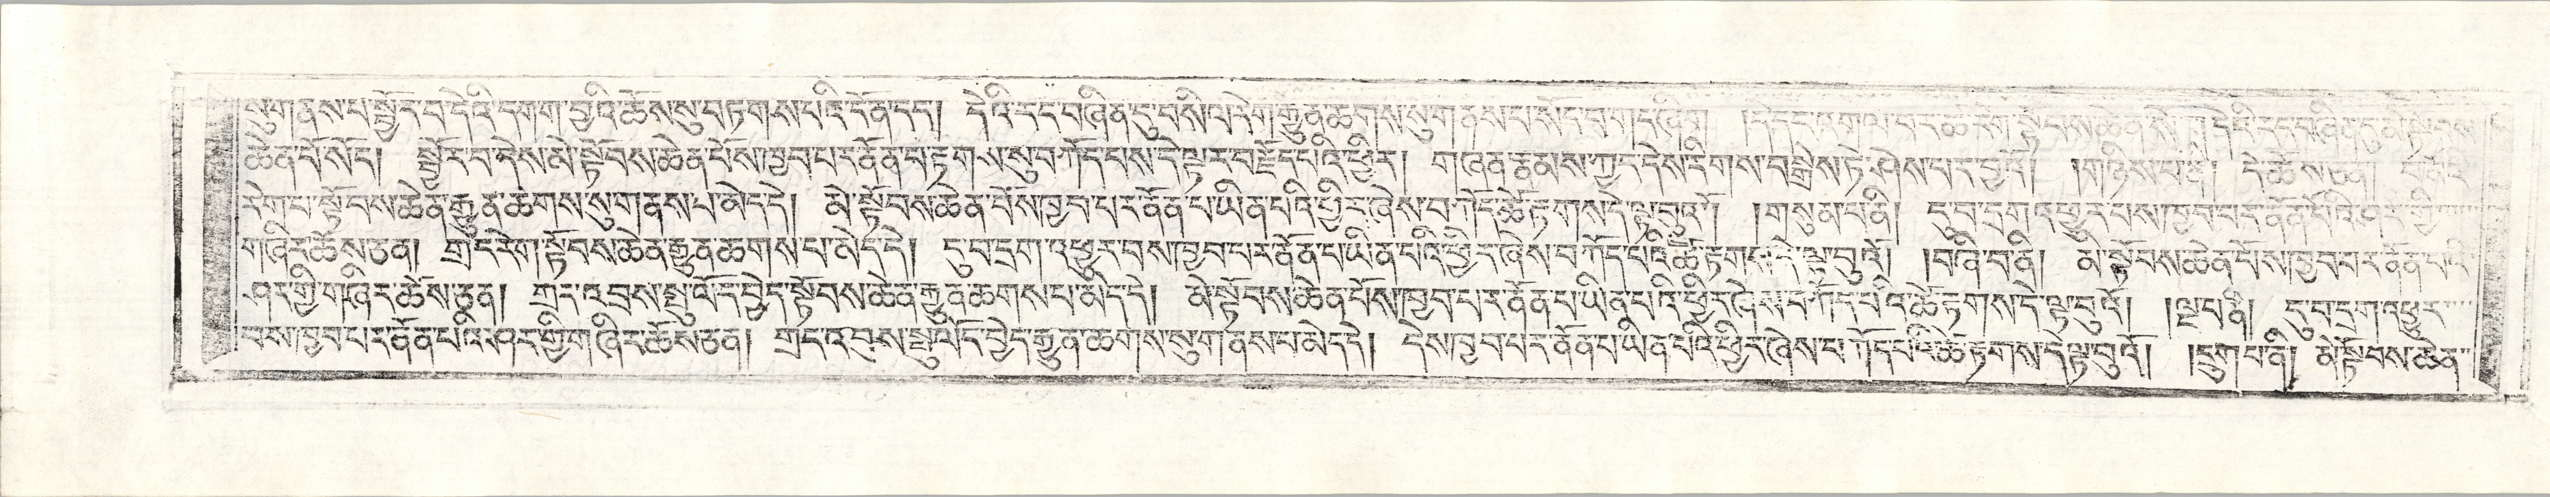སུ་གནས་པ་སྦྱོར་བ་དེའི་དགག་བྱའི་ཆོས་སུ་བཏགས་པའི་དོན་དང་། དེའི་རང་བཞིན་དུ་བསིལ་རེག་རྒྱུན་ཆགས་སུ་གནས་པ་སོང་བ་གང་ཞིག །དེ་དང་འགལ་བར་ཚ་རེག་སྟོབས་ཆེན་སོང་། །དེའི་རང་བཞིན་དུ་མེ་སྟོབས་
ཆེན་པོ་སོང་། སྦྱོར་བ་དེས་མེ་སྟོབས་ཆེན་པོས་ཁྱབ་པར་ནོན་པ་རྟགས་སུ་བཀོད་པས་དེ་ལྟར་བརྗོད་པའི་ཕྱིར། གཞན་རྣམས་ཀྱང་དེས་རིགས་བསྒྲེས་ཏེ་ཤེས་པར་བྱའོ། །གཉིས་པ་ནི། དེ་ཆོས་ཅན། བ་མོའི་
རེག་པ་སྟོབས་ཆེན་རྒྱུན་ཆགས་སུ་གནས་པ་མེད་དེ། མེ་སྟོབས་ཆེན་པོས་ཁྱབ་པར་ནོན་པ་ཡིན་པའི་ཕྱིར་ཞེས་བཀོད་ཚེ་རྟགས་དེ་ལྟ་བུའོ། །གསུམ་པ་ནི། དུ་བ་དྲག་འཕྱུར་བས་ཁྱབ་པར་ནོན་པའི་ཤར་གྱི་
གཞིར་ཆོས་ཅན། གྲང་རེག་སྟོབས་ཆེན་རྒྱུན་ཆགས་པ་མེད་དེ། དུ་བ་དྲག་འཕྱུར་བས་ཁྱབ་པར་ནོན་པ་ཡིན་པའི་ཕྱིར་ཞེས་བཀོད་པའི་ཚེ་རྟགས་དེ་ལྟ་བུའོ། །བཞི་བ་ནི། མེ་སྟོབས་ཆེན་པོས་ཁྱབ་པར་ནོན་པའི་
ཤར་གྱི་གཞིར་ཆོས་ཅན། གྲང་འབྲས་སྤུ་ལོང་བྱེད་སྟོབས་ཆེན་རྒྱུན་ཆགས་པ་མེད་དེ། མེ་སྟོབས་ཆེན་པོས་ཁྱབ་པར་ནོན་པ་ཡིན་པའི་ཕྱིར་ཞེས་བཀོད་པའི་ཚེ་རྟགས་དེ་ལྟ་བུའོ། །ལྔ་བ་ནི། དུ་བ་དྲག་འཕྱུར་
བས་ཁྱབ་པར་ནོན་པའི་ཤར་གྱི་གཞིར་ཆོས་ཅན། གྲང་འབྲུས་སྤུ་ལོང་བྱེད་རྒྱུན་ཆགས་སུ་གནས་པ་མེད་དེ། དེས་ཁྱབ་པར་ནོན་པ་ཡིན་པའི་ཕྱིར་ཞེས་བཀོད་པའི་ཚེ་རྟགས་དེ་ལྟ་བུའོ། །དྲུག་པ་ནི། མེ་སྟོབས་ཆེན་